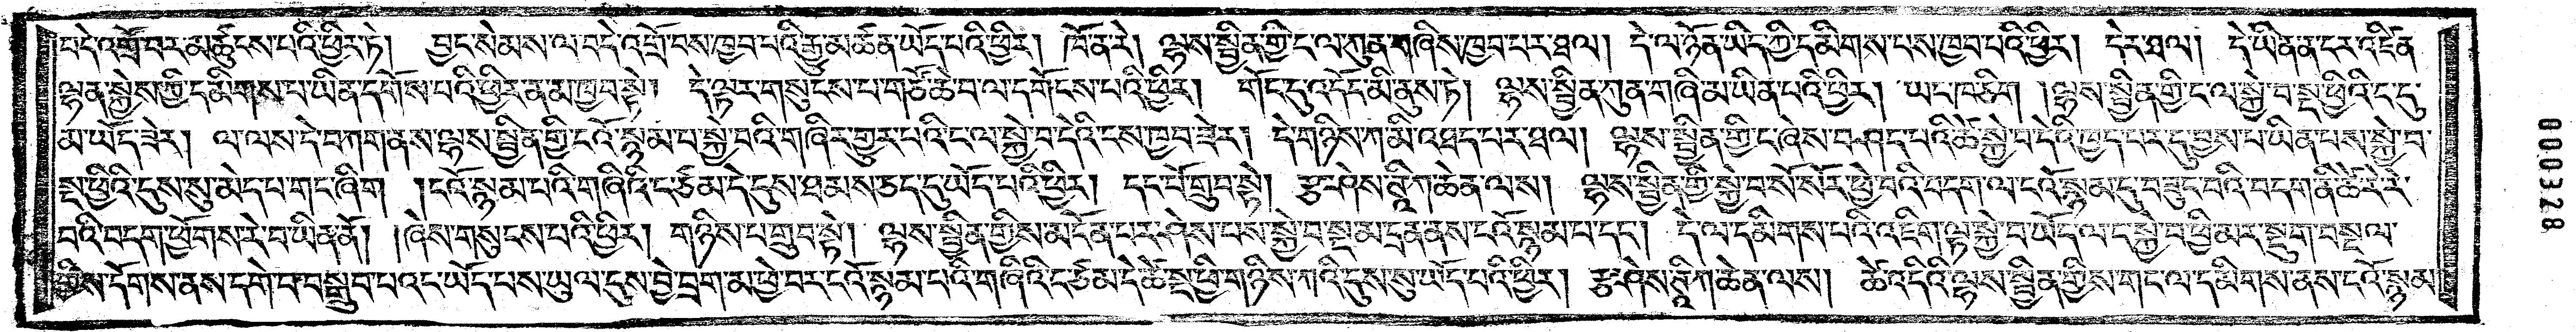བདེ་འགྲོ་བར་མཚུངས་པའི་ཕྱིར་ཏེ། བྱང་སེམས་ལ་བདེ་འགྲོ་བས་ཁྱབ་པའི་རྒྱུ་མཚན་ཡོད་པའི་ཕྱིར། ཁོ་ན་རེ། ལྷས་སྦྱིན་གྱི་ང་ལ་ཀུན་གཞིས་ཁྱབ་པར་ཐལ། དེ་ལ་ཉོན་ཡིད་ཀྱི་དམིགས་པས་ཁྱབ་པའི་ཕྱིར། དེར་ཐལ། དེ་ཡིན་ན་ངར་འཛིན་
ལྷན་སྐྱེས་ཀྱི་དམིགས་པ་ཡིན་དགོས་པའི་ཕྱིར་ན་མ་ཁྱབ་སྟེ། དེ་ལྟར་གསུངས་པ་གཙོ་ཆེ་བ་ལ་དགོངས་པའི་ཕྱིར། གོང་དུ་འདོད་མི་ནུས་ཏེ། ལྷས་སྦྱིན་ཀུན་གཞི་མ་ཡིན་པའི་ཕྱིར། ཡང་ཁ་ཅིག །ལྷས་སྦྱིན་གྱི་ང་ལ་སྐྱེ་བ་སྔ་ཕྱིའི་ང་དུ་
མ་ཡོད་ཟེར། ལ་ལས་དེ་བཀག་ནས་ལྷས་སྦྱིན་གྱི་ངའོ་སྙམ་པ་སྐྱེ་བའི་གཞིར་གྱུར་པའི་ང་ལ་སྐྱེ་བ་དེའི་ངས་ཁྱབ་ཟེར། དེ་གཉིས་ཀ་མི་འཐད་པར་ཐལ། ལྷས་སྦྱིན་གྱི་ང་ཞེས་བཤད་པའི་ཚེ་སྐྱེ་བ་དེའི་ཁྱད་པར་དུ་བྱས་པ་ཡིན་པས་སྐྱེ་བ་
སྔ་ཕྱིའི་དུས་སུ་མེད་པ་གང་ཞིག །ངའོ་སྙམ་པའི་གཞིའི་ང་ཙམ་དེ་དུས་ཐམས་ཅད་དུ་ཡོད་པའི་ཕྱིར། དང་པོ་གྲུབ་སྟེ། རྩ་ཤེས་ཊཱིཀ་ཆེན་ལས། ལྷས་སྦྱིན་གྱི་སྐྱེ་བ་སོ་སོར་ཕྱེ་བའི་བདག་ལ་ངའོ་སྙམ་དུ་བཟུང་བའི་བདག་ནི་ཚེ་རེ་རེ་
བའི་བདག་ཕྱོགས་རེ་བ་ཡིན་ནོ། །ཞེས་གསུངས་པའི་ཕྱིར། གཉིས་པ་གྲུབ་སྟེ། ལྷས་སྦྱིན་གྱིས་མངོན་པར་ཤེས་པས་སྐྱེ་བ་སྔ་མ་དྲན་ནས་ངའོ་སྙམ་པ་དང་། དེ་ལ་དམིགས་པའི་འཇིག་ལྟ་སྐྱེ་བ་ཡོད་ལ་ང་སྐྱེ་བ་ཕྱི་མར་སྡུག་བསྔལ་
གྱིས་དོགས་ནས་དགེ་བ་བསྒྲུབ་པའང་ཡོད་པས་ཡུལ་དུས་བྱེ་བྲག་མ་ཕྱེ་བར་ངའོ་སྙམ་པའི་གཞིའི་ང་ཙམ་དེ་ཚེ་སྔ་གྱི་གཉིས་ཀའི་དུས་སུ་ཡོད་པའི་ཕྱིར། རྩ་ཤེས་ཊཱིཀ་ཆེན་ལས། ཚེ་འདིའི་ལྷས་སྦྱིན་གྱིས་གང་ལ་དམིགས་ནས་ངའོ་སྙམ་